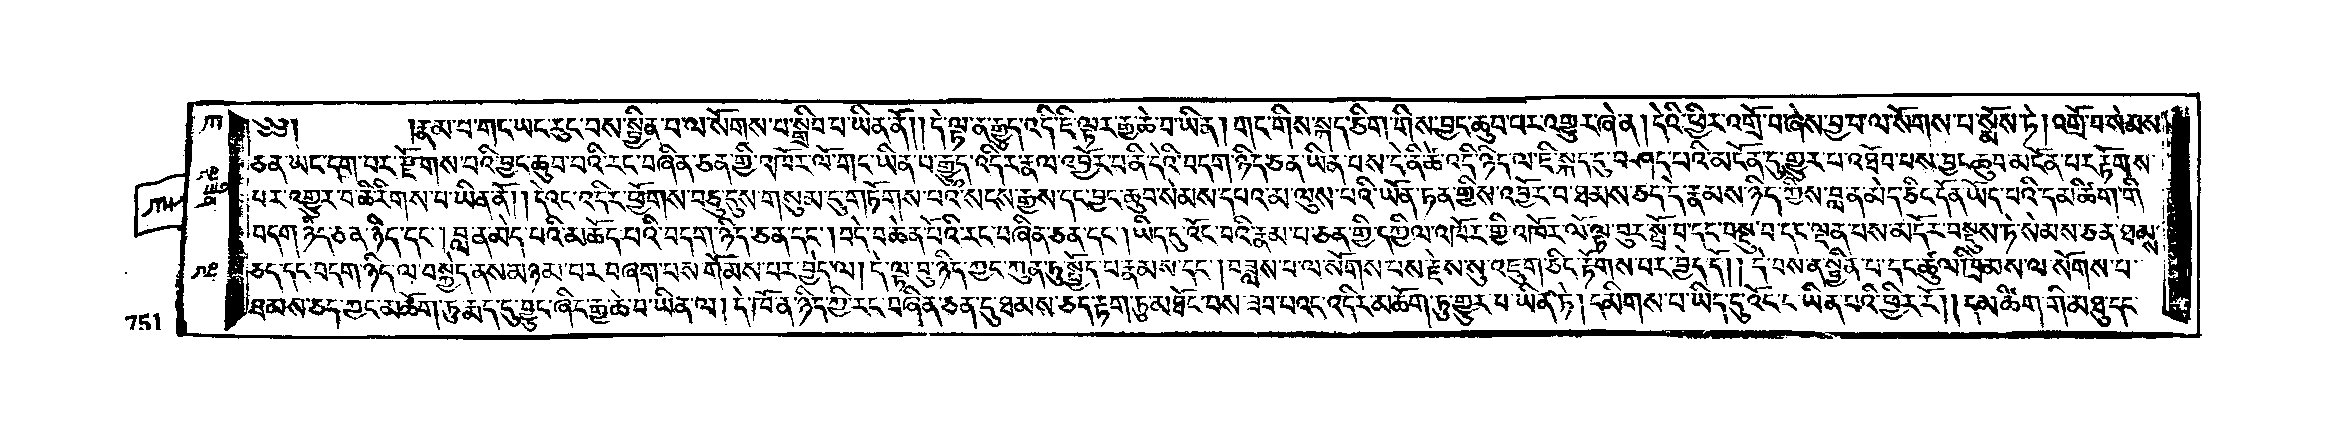༄༅། །རྣམ་པ་གང་ཡང་རུང་བས་སྦྱིན་པ་ལ་སོགས་པ་སྒྲིབ་པ་ཡིན་ནོ། །དེ་ལྟ་ན་རྒྱུད་འདི་ཇི་ལྟར་རྒྱ་ཆེ་བ་ཡིན། གང་གིས་སྐད་ཅིག་གིས་བྱང་ཆུབ་པར་འགྱུར་ཞེ་ན། དེའི་ཕྱིར་འགྲོ་བ་ཞེས་བྱ་བ་ལ་སོགས་པ་སྨོས་ཏེ། འགྲོ་བ་སེམས་
ཅན་ཡང་དག་པར་རྫོགས་པའི་བྱང་ཆུབ་པའི་རང་བཞིན་ཅན་གྱི་འཁོར་ལོ་གང་ཡིན་པ་རྒྱུད་འདིར་རྣལ་འབྱོར་པ་ནི་དེའི་བདག་ཉིད་ཅན་ཡིན་པས་དེ་ནི་ཚེ་འདི་ཉིད་ལ་ཇི་སྐད་དུ་བཤད་པའི་མངོན་དུ་གྱུར་པ་འཐོབ་པས་བྱང་ཆུབ་མངོན་པར་རྟོགས་
པར་འགྱུར་བ་མི་རིགས་པ་ཡིན་ནོ། །དེའང་འདིར་ཕྱོགས་བཅུ་དུས་གསུམ་དུ་གཏོགས་པའི་སངས་རྒྱས་དང་བྱང་ཆུབ་སེམས་དཔའ་མ་ལུས་པའི་ཡོན་ཏན་གྱིས་འབྱོར་བ་ཐམས་ཅད་དེ་རྣམས་ཉིད་ཀྱིས་བླ་ན་མེད་ཅིང་དོན་ཡོད་པའི་དམ་ཚིག་གི་
བདག་ཉིད་ཅན་ཉིད་དང་། བླ་ན་མེད་པའི་མཆོད་པའི་བདག་ཉིད་ཅན་དང་། བདེ་བ་ཆེན་པོའི་རང་བཞིན་ཅན་དང་། ཡིད་དུ་འོང་བའི་རྣམ་པ་ཅན་གྱི་དཀྱིལ་འཁོར་གྱི་འཁོར་ལོ་ལྟ་བུར་སྤྲོ་བ་དང་བསྡུ་བ་དང་ལྡན་པས་མདོར་བསྡུས་ཏེ་སེམས་ཅན་ཐམས་
ཅད་དང་བདག་ཉིད་ལ་བསྐྱེད་ནས་མཉམ་པར་བཞག་པས་གོམས་པར་བྱེད་ལ། དེ་ལྟ་བུ་ཉིད་ཀྱང་ཀུན་ཏུ་སྤྱོད་པ་རྣམས་དང་། བཟླས་པ་ལ་སོགས་པས་རྗེས་སུ་འཇུག་ཅིང་རྟོགས་པར་བྱེད་དོ། །དེ་བས་ན་སྦྱིན་པ་དང་ཚུལ་ཁྲིམས་ལ་སོགས་པ་
ཐམས་ཅད་ཀྱང་མཆོག་ཏུ་རྨད་དུ་བྱུང་ཞིང་རྒྱ་ཆེ་བ་ཡིན་ལ། དེ་ཁོ་ན་ཉིད་ཀྱི་རང་བཞིན་ཅན་དུ་ཐམས་ཅད་རྟག་ཏུ་མཐོང་བས་ཟབ་པའང་འདིར་མཆོག་ཏུ་གྱུར་པ་ཡིན་ཏེ། དམིགས་པ་ཡིད་དུ་འོང་བ་ཡིན་པའི་ཕྱིར་རོ། །དམ་ཚིག་གི་མཐུ་དང་